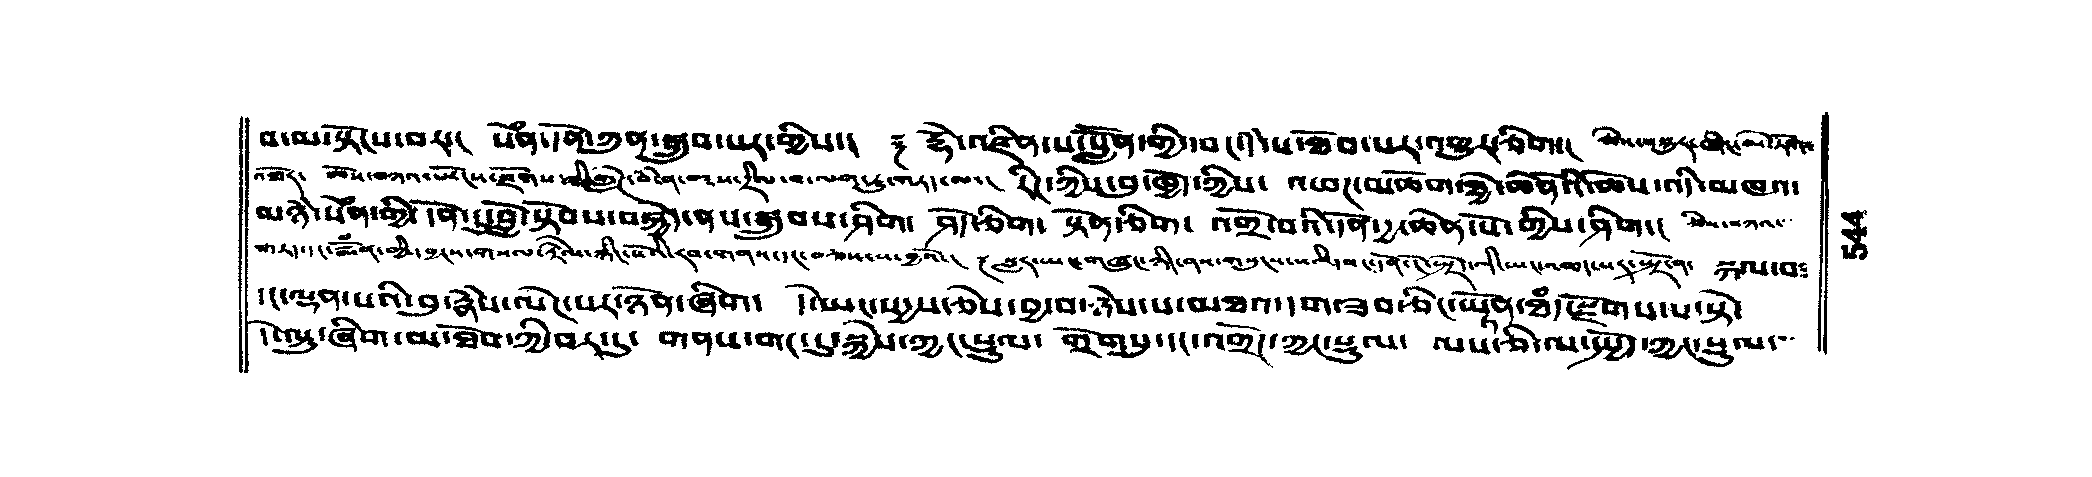བ་མ་སྟོངས་བར། །སེམས་ཅན་དོན་ཀུན་སྒྲུབ་པར་གྱིས། རྡོ་རྗེ་འཛིན་པ་སློབ་དཔོན་གྱི་དབང་དམ་པ་ཐོབ་པར་འགྱུར་ཅིག ཅེས་བསྐུར་ཞིང་མེ་ཏོག་
འཐོར། ཆོས་བཀའ་ཡོངས་རྫོགས་ཀྱི་གླེགས་བམ་ན་བཟས་དྲིལ་བ་ལག་ཏུ་གཏད་ལ། རིགས་ཀྱི་བུ་ཁྱོད་ཀྱིས་འཕགས་མཆོག་ཐུགས་རྗེ་ཆེན་པོའི་ཆོས་འདི་མཁའ་
མཉམ་སེམས་ཅན་གྱི་དོན་དུ་བློ་སྟོབས་བསྐྱེད་ནས་སྒྲུབས་ཤིག ཤོད་ཅིག སྟོན་ཅིག འགྲོ་བའི་དོན་རྒྱ་ཆེན་པོར་གྱིས་ཤིག ཅེས་བཀའ་
གཏད་དང་སྨོན་ལམ་གྱི་དབྱངས་གསལ་རྟེན་འབྲེལ་སྙིང་པོའི་རབ་གནས་དང་བཅས་པ་བྱའོ།སླར་ཡང་གཞུང་ཉིད་ནས་གསུངས་པའི་དབང་དོན་ངོ་སྤྲོད་འདི་ཡང་འཆད་པར་སྤྲོ་ན། སྐལ་བ་
དང་ལྡན་པའི་བུ་རྣམས་ལེགས་པར་ཉོན་ཞིག དེ་ཡང་སངས་རྒྱས་ཅེས་བྱ་བ་ཉེས་པ་མཐའ་དག་རྫོགས་པ་སྟེ། 
དེ་ལྟ་བུ་ཞིག་མ་ཐོབ་བར་དུ་གནས་གང་དུ་སྐྱེས་ཀྱང་སྡུག་བསྔལ། གྲོགས་སུ་དང་འགྲོགས་ཀྱང་སྡུག་བསྔལ། ལས་ཅི་ལ་སྤྱོད་ཀྱང་སྡུག་བསྔལ་